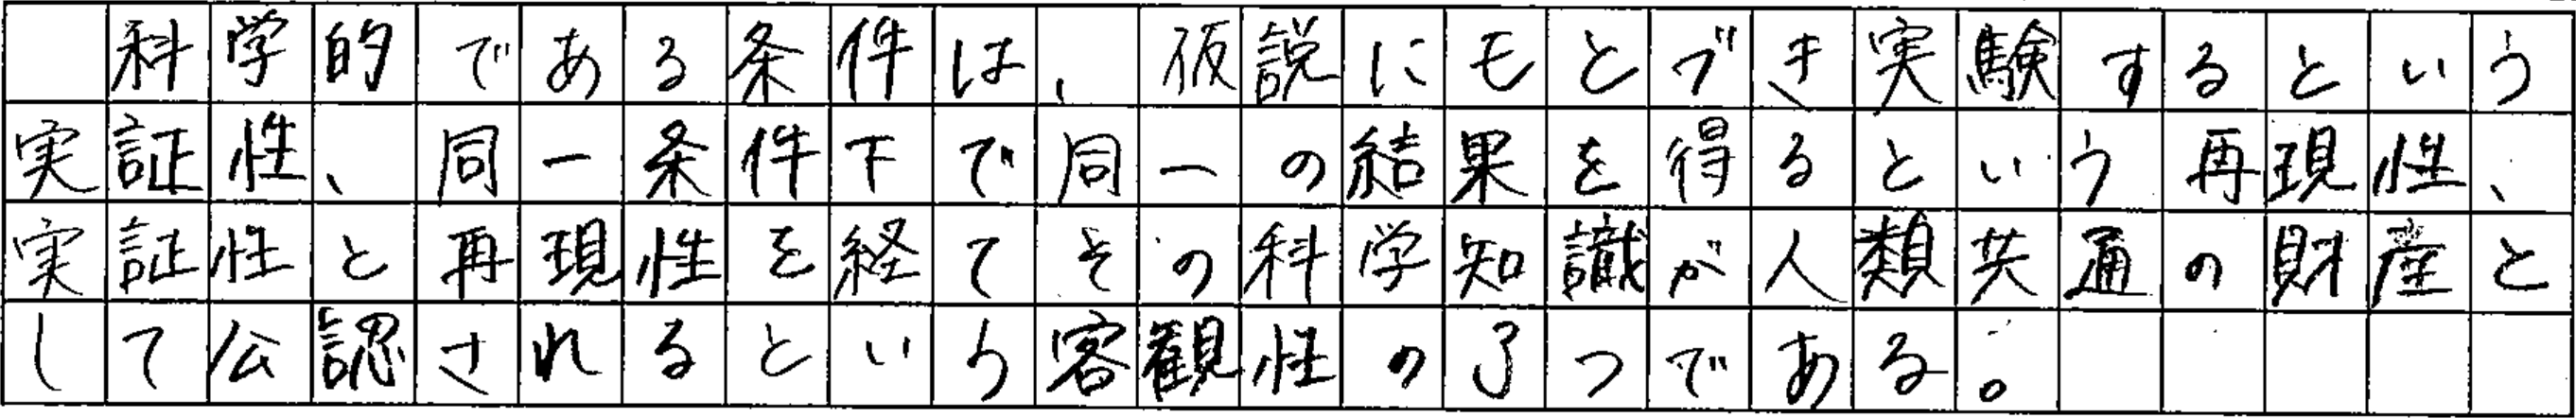　科学的である条件は、仮説にもとづき実験するという実証性、同一条件下で同一の結果を得るという再現性、実証性と再現性を経てその科学知識が人類共通の財産として公認されるという客観性の３つである。
